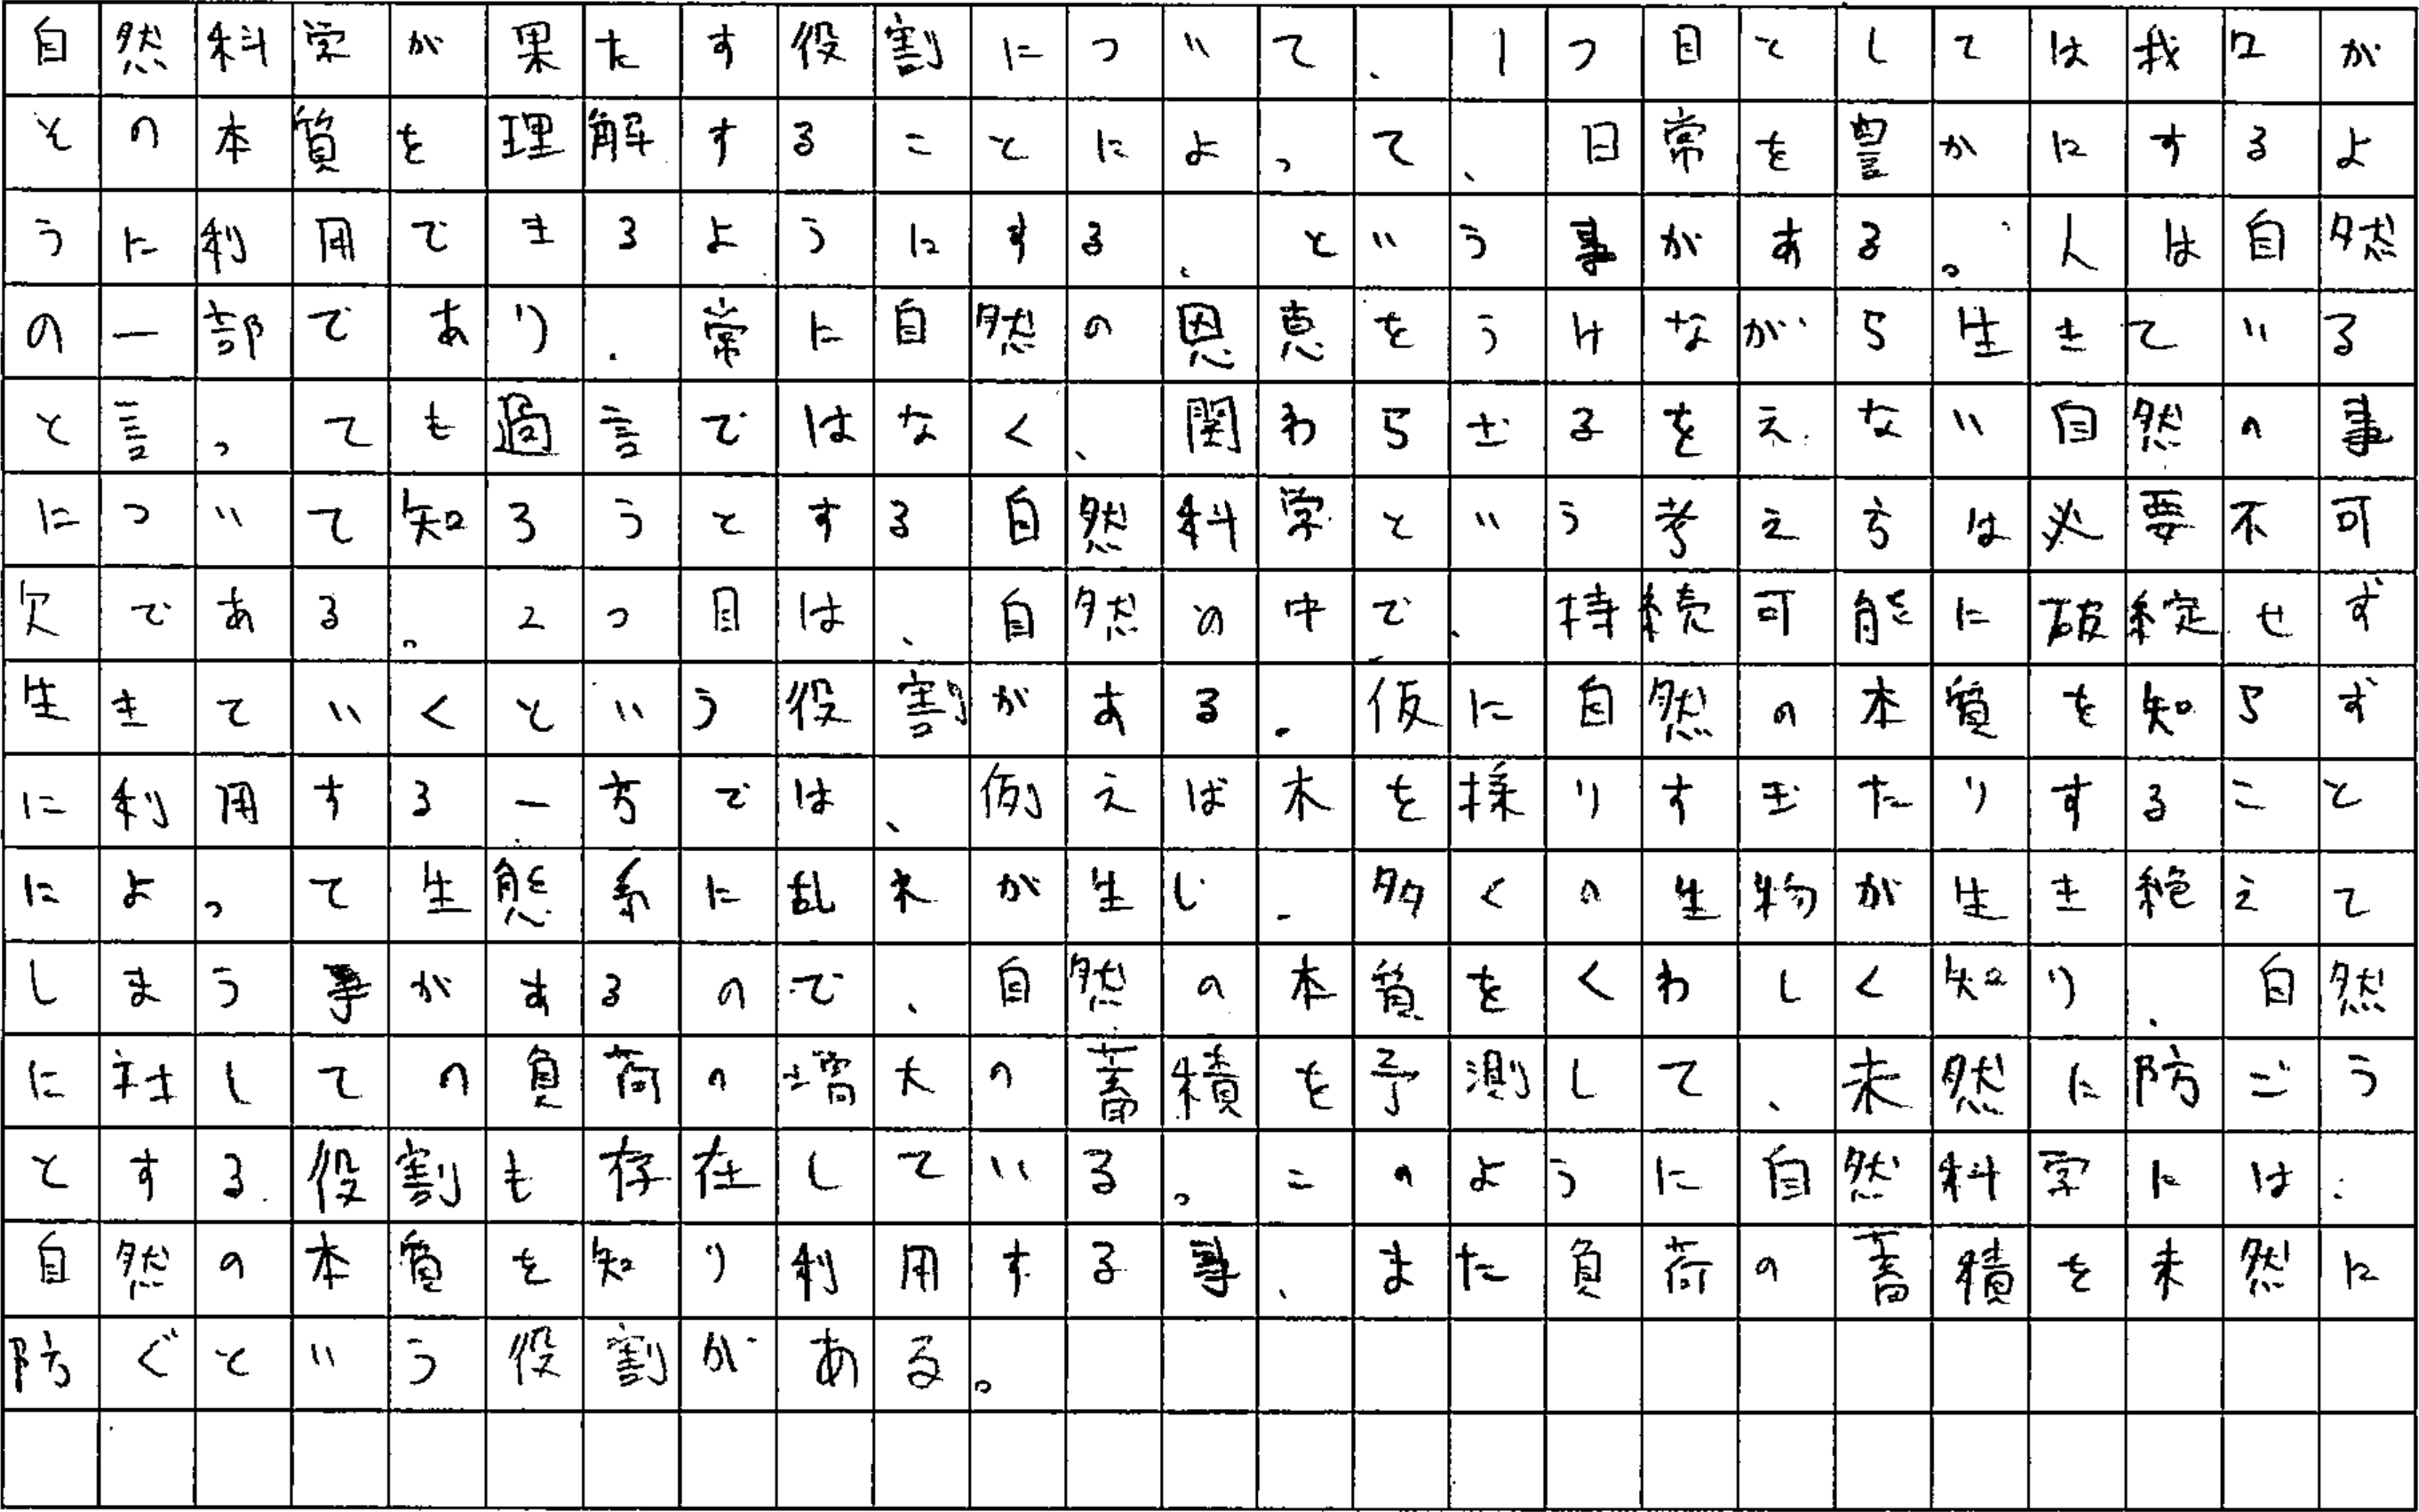自然科学が果たす役割について、１つ目としては我々がその本質を理解することによって、日常を豊かにするように利用できるようにする、という事がある。人は自然の一部であり、常に自然の恩恵をうけながら生きていると言っても過言ではなく、関わらざるをえない自然の事について知ろうとする自然科学という考え方は必要不可欠である。２つ目は、自然の中で、持続可能に破綻せず生きていくという役割がある。仮に自然の本質を知らずに利用する一方では、例えば木を採りすぎたりすることによって生態系に乱れが生じ、多くの生物が生き絶えてしまう事があるので、自然の本質をくわしく知り、自然に対しての負荷の増大の蓄積を予測して、未然に防ごうとする役割も存在している。このように自然科学には、自然の本質を知り利用する事、また負荷の蓄積を未然に防ぐという役割がある。
